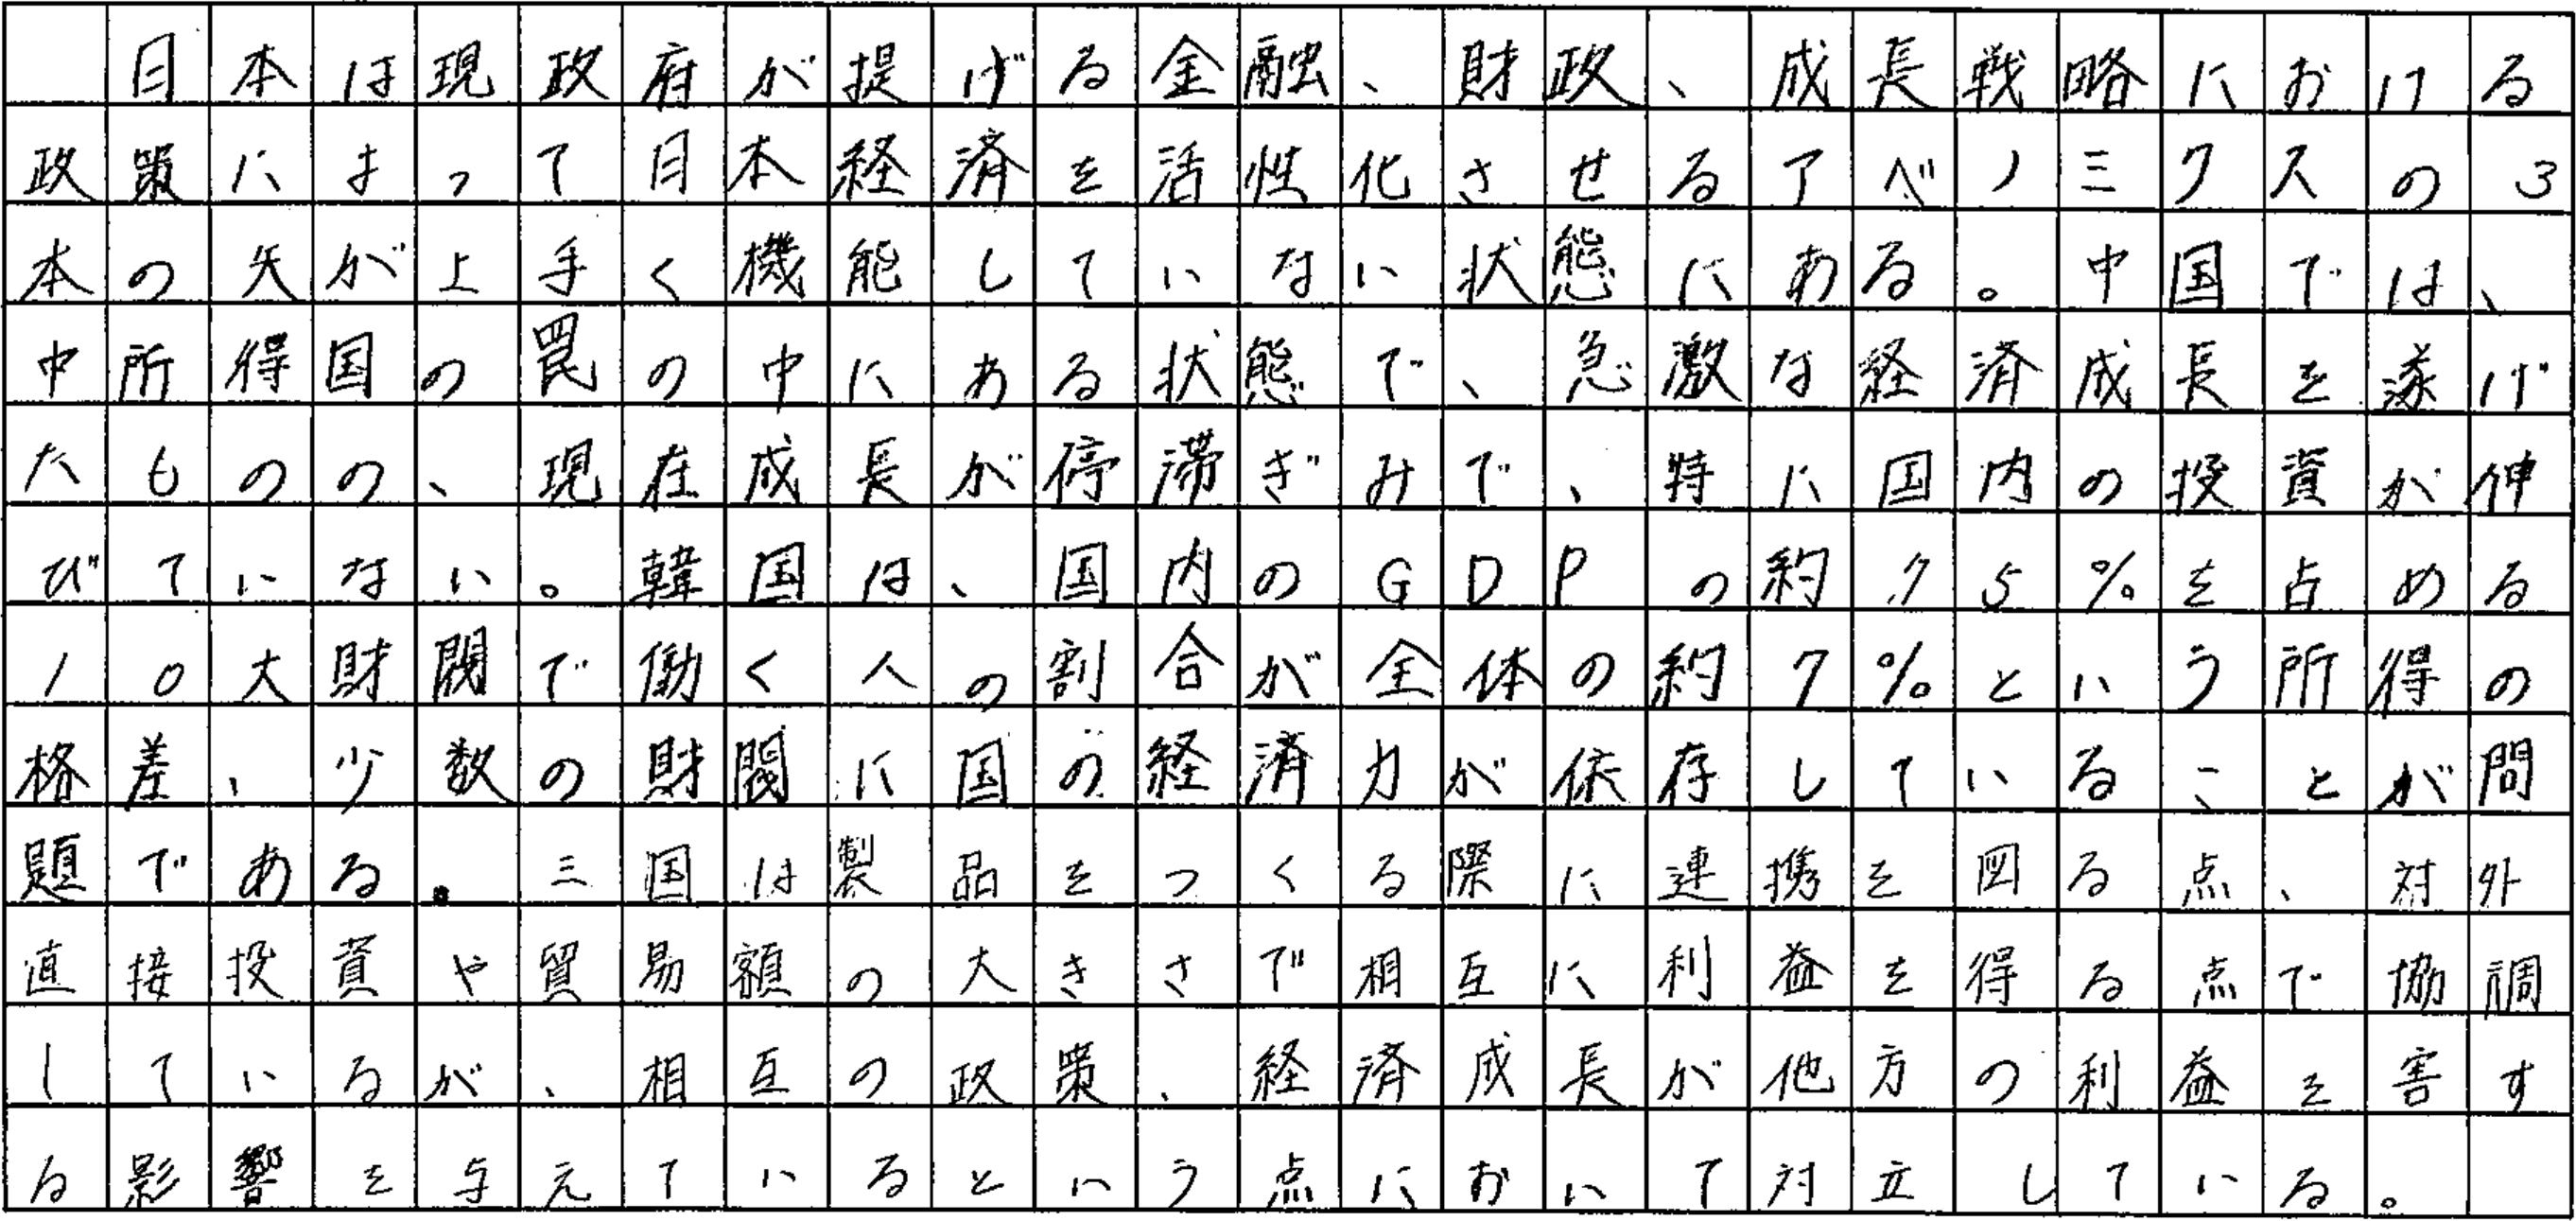　日本は現政府が提げる金融、財政、成長戦略における政策によって日本経済を活性化させるアベノミクスの３本の矢が上手く機能していない状態にある。中国では、中所得国の罠の中にある状態で、急激な経済成長を遂げたものの、現在成長が停滞ぎみで、特に国内の投資が伸びていない。韓国は、国内のＧＤＰの約７５％を占める１０大財閥で働く人の割合が全体の約７％という所得の格差、少数の財閥に国の経済力が依存していることが問題である。三国は製品をつくる際に連携を図る点、対外直接投資や貿易額の大きさで相互に利益を得る点で協調しているが、相互の政策、経済成長が他方の利益を害する影響を与えているという点において対立している。
